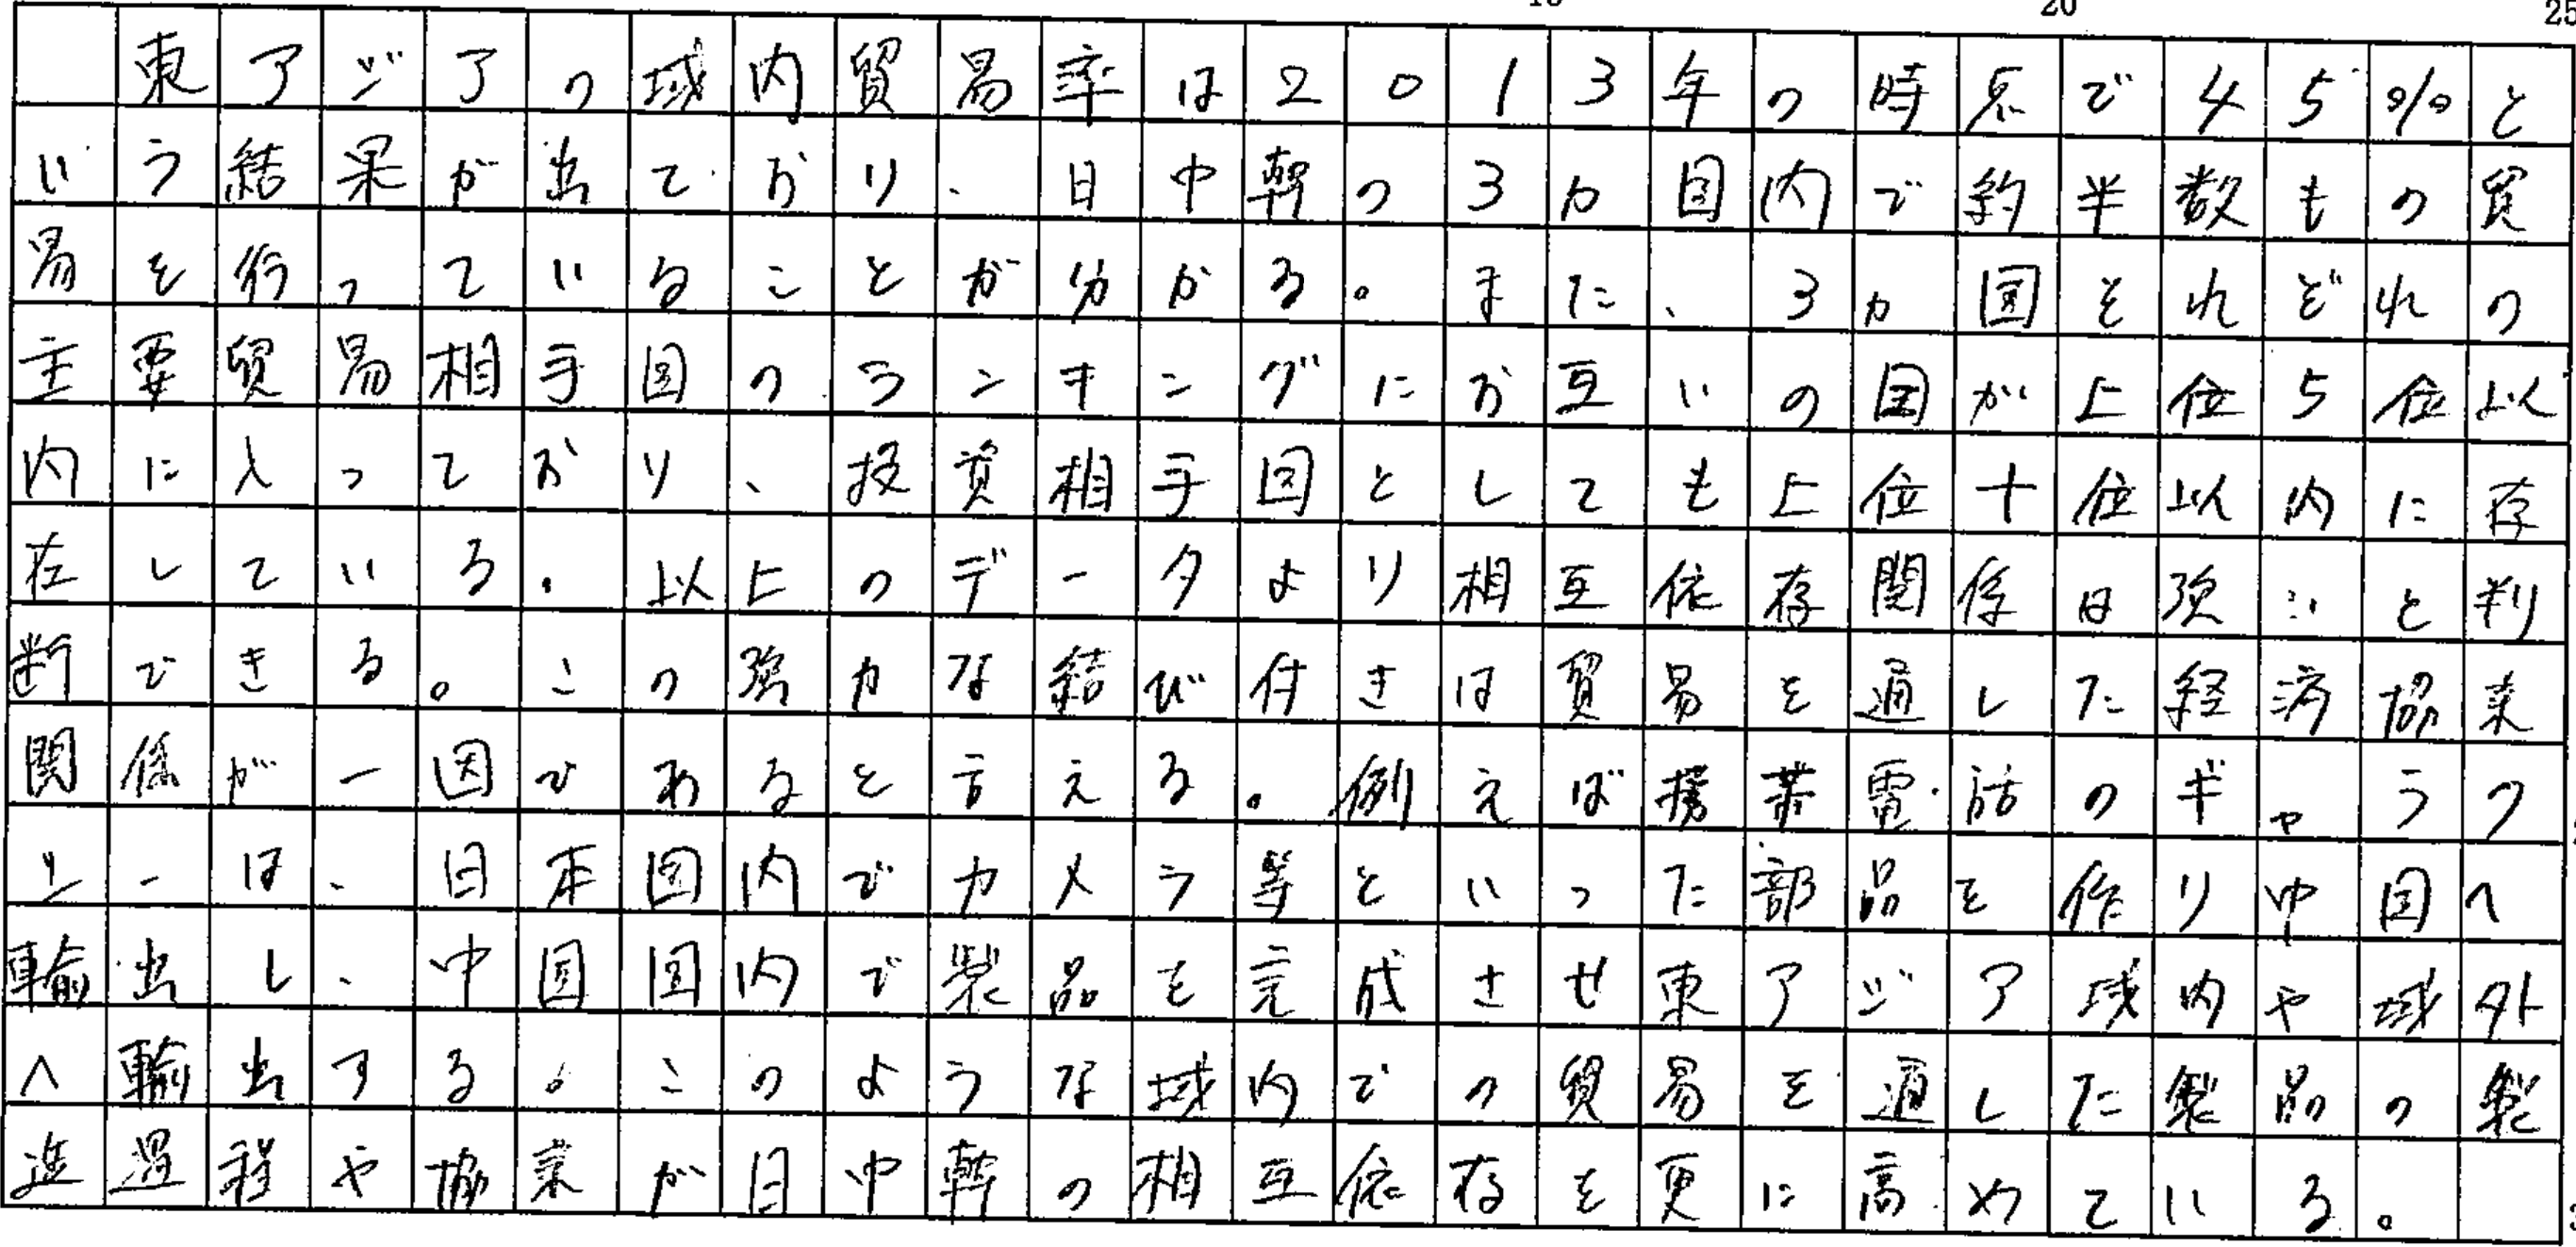　東アジアの域内貿易率は２０１３年の時点で４５％という結果が出ており、日中韓の３カ国内で約半数もの貿易を行っていることが分かる。また、３カ国それぞれの主要貿易相手国のランキングにお互いの国が上位５位以内に入っており、投資相手国としても上位十位以内に存在している。以上のデータより相互依存関係は強いと判断できる。この強力な結び付きは貿易を通した経▁協▁関係が一因であると言える。例えば▁帯電話のギャラクシーは、日本国内でカメラ等といった部品を作り中国へ輸出し、中国国内で製品を完成させ東アジア域内や域外へ輸出する。このような域内での貿易を通した製品の製造過程や協▁が日中韓の相互依存を更に高めている。
